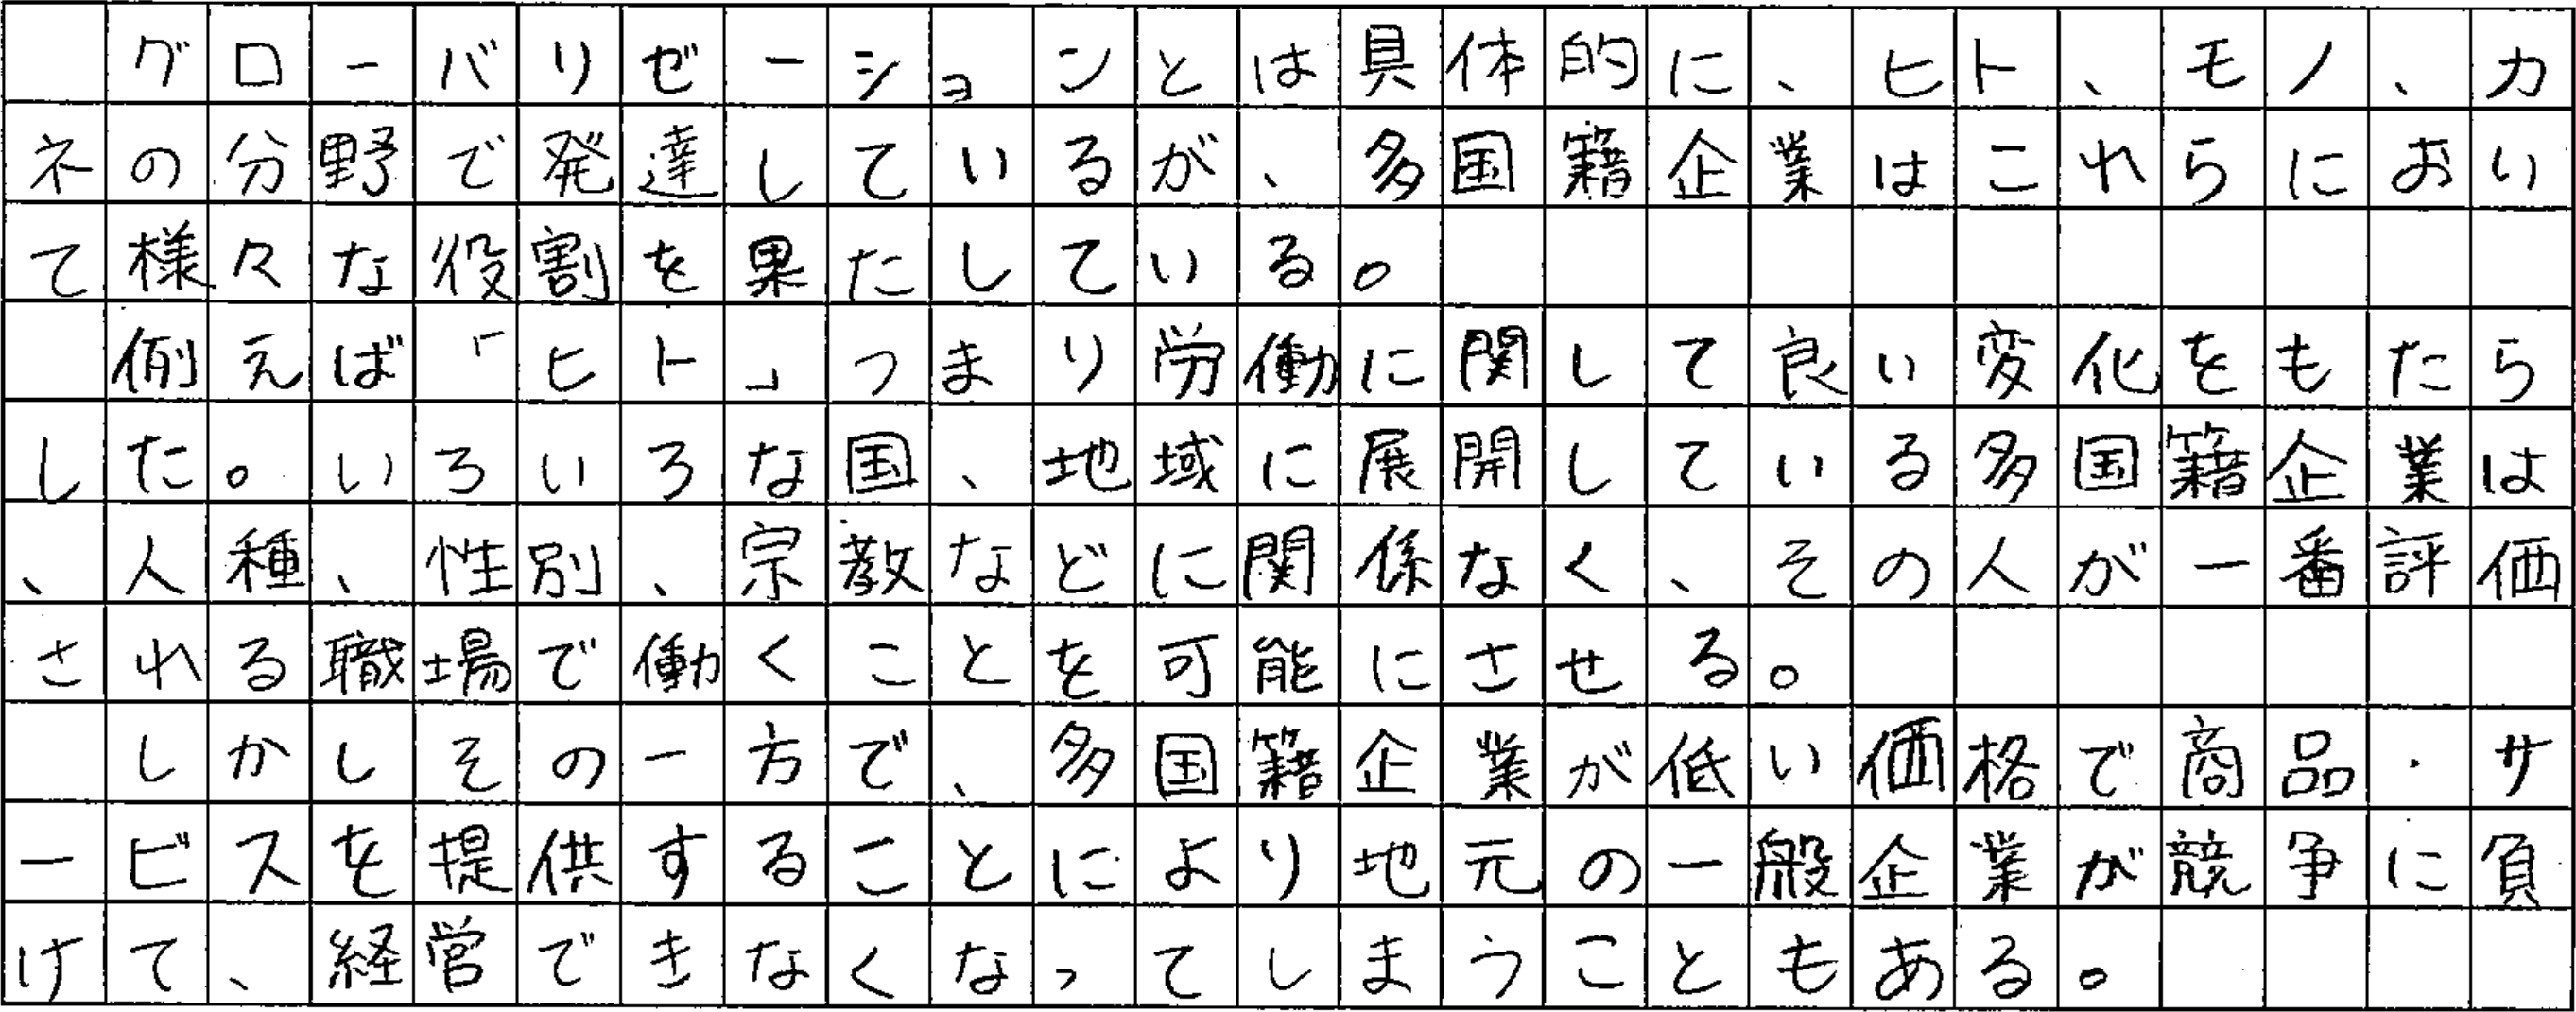　グローバリゼーションとは具体的に、ヒト、モノ、カネの分野で発達しているが、多国籍企業はこれらにおいて様々な役割を果たしている。
　例えば「ヒト」つまり労働に関して良い変化をもたらした。いろいろな国、地域に展開している多国籍企業は、人種、性別、宗教などに関係なく、その人が一番評価される職場で働くことを可能にさせる。
　しかしその一方で、多国籍企業が低い価格で商品・サービスを提供することにより地元の一般企業が競争に負けて、経営できなくなってしまうこともある。
